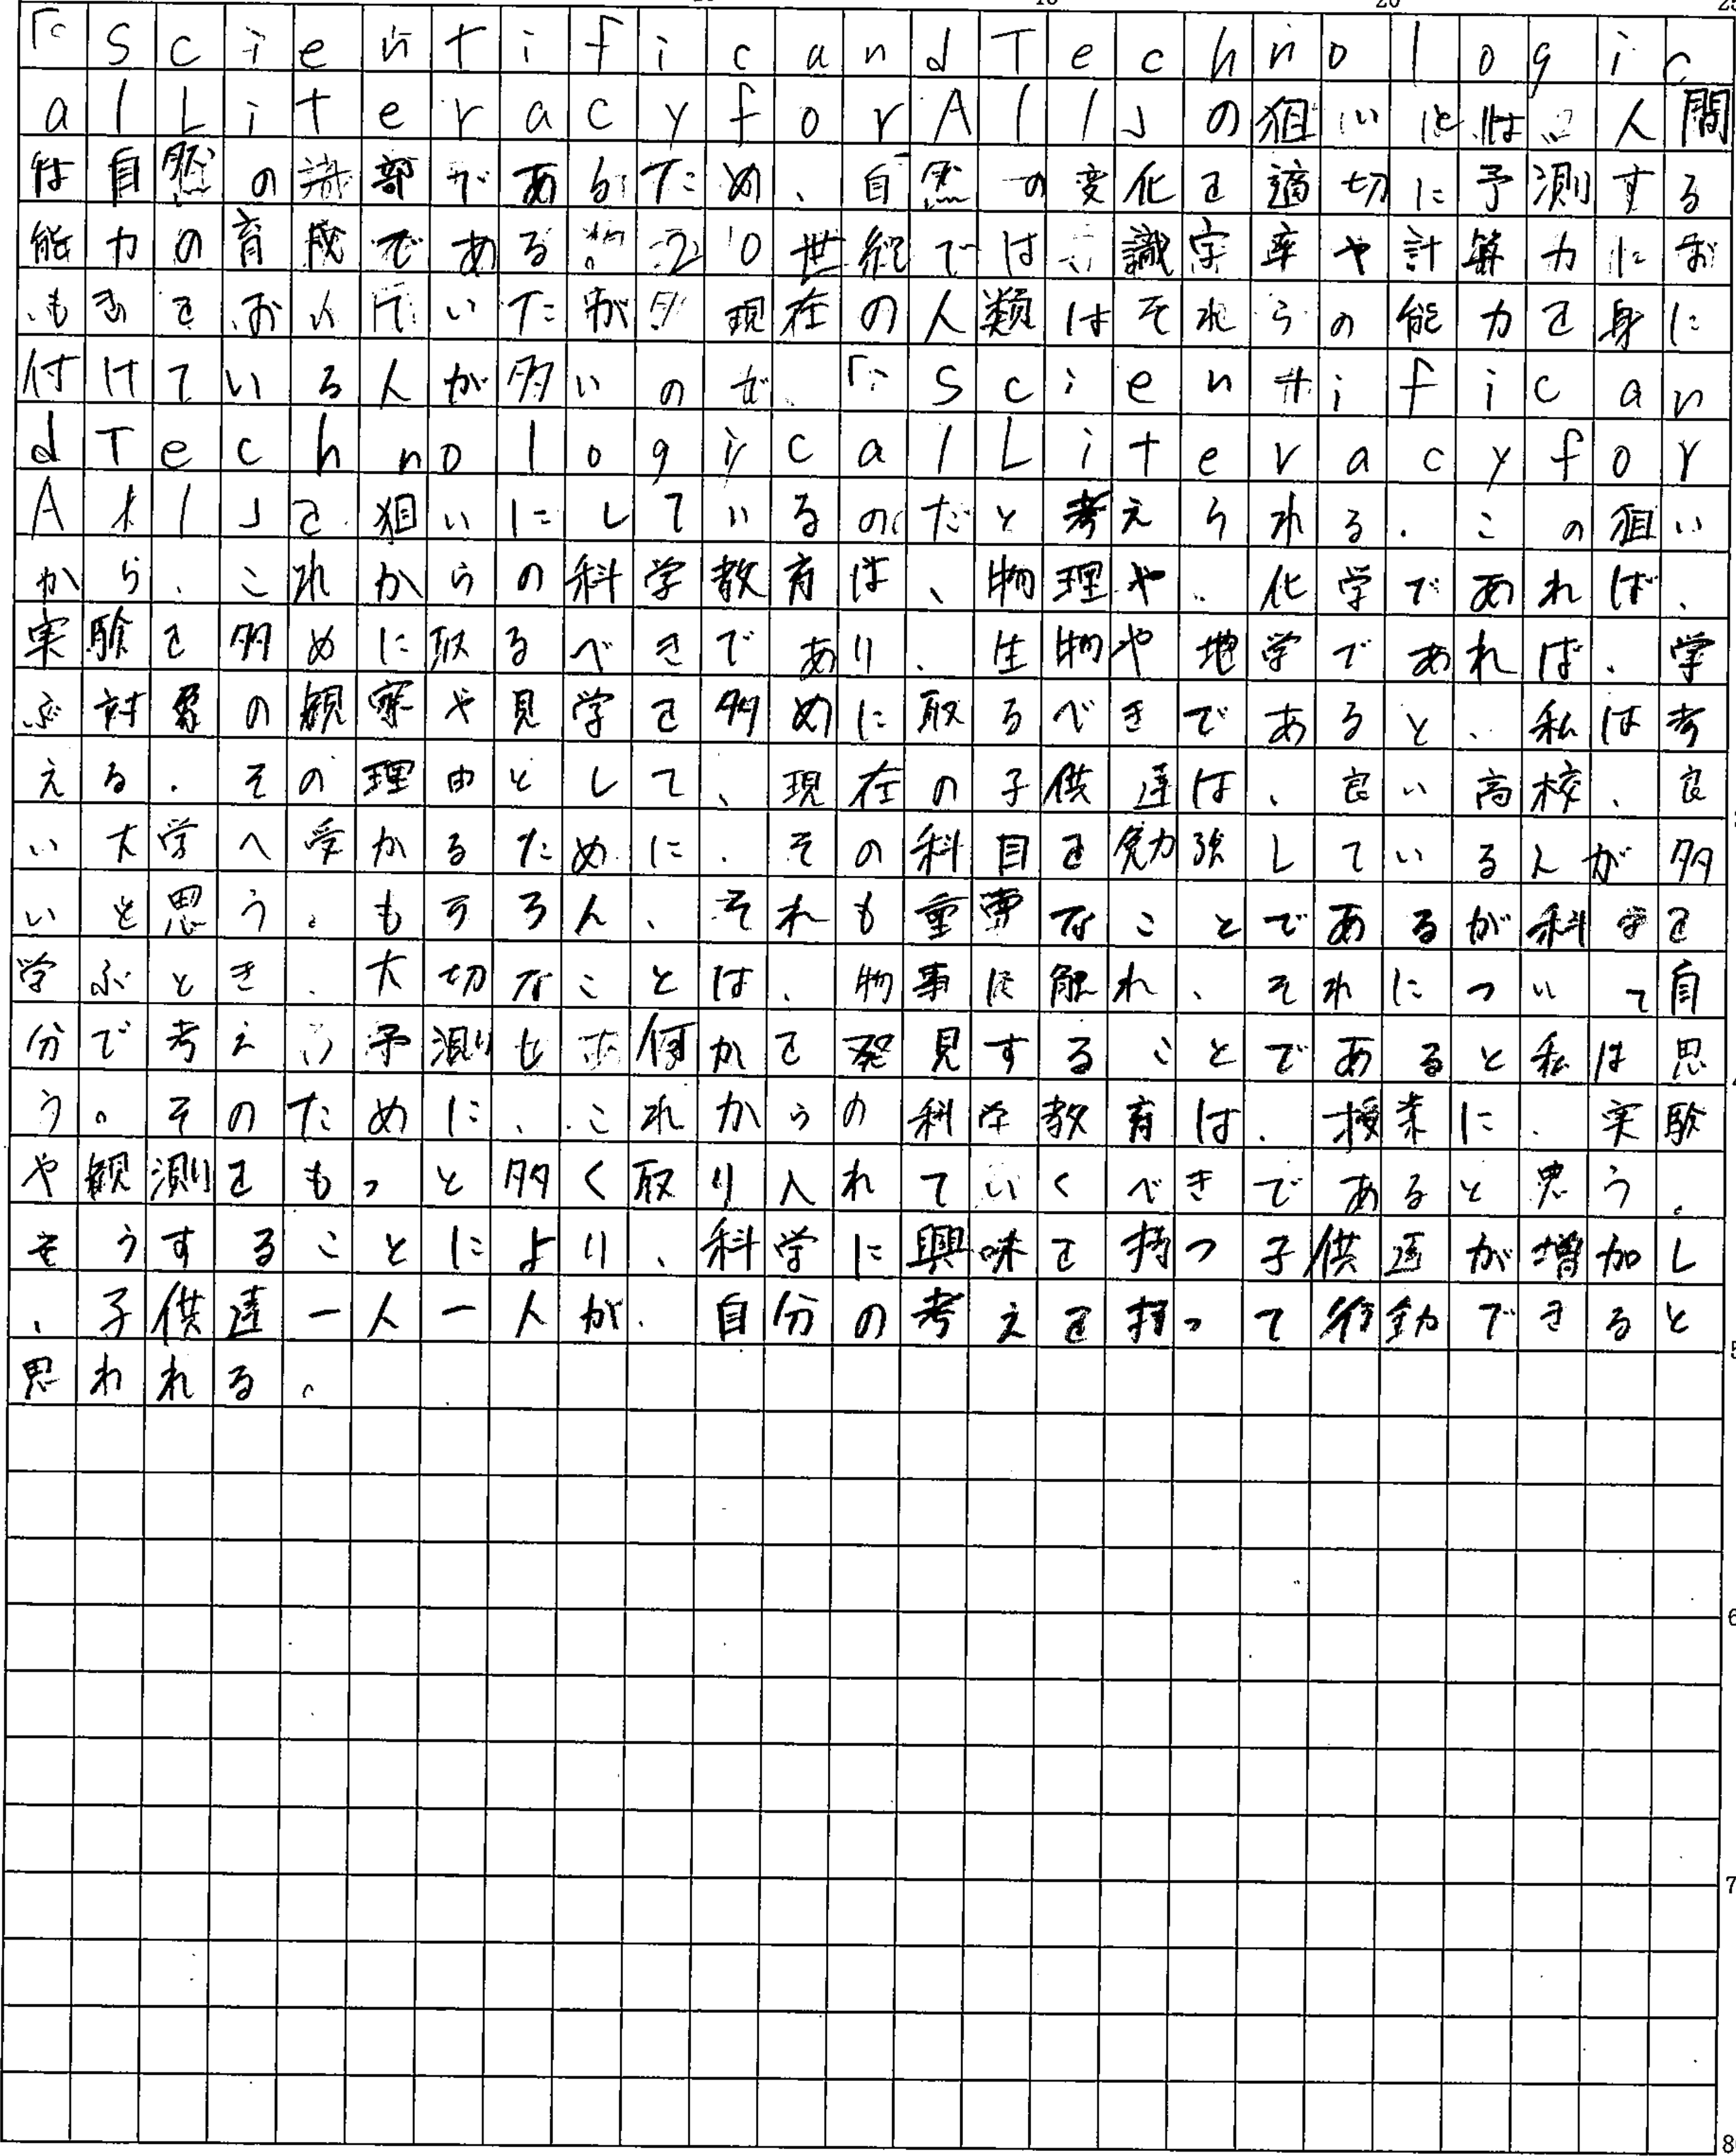「ＳｃｉｅｎｔｉｆｉｃａｎｄＴｅｃｈｎｏｌｏｇｉｃａｌＬｉｔｅｒａｃｙｆｏｒＡｌｌ」の狙いとは、人間は自然の一部であるため、自然の変化を適切に予測する能力の育成である。２０世紀では、識字率や計算力におもきをおいていたが、現在の人類はそれらの能力を身に付けている人が多いので、「ＳｃｉｅｎｔｉｆｉｃａｎｄＴｅｃｈｎｏｌｏｇｉｃａｌＬｉｔｅｒａｃｙｆｏｒＡｌｌ」を狙いにしているのだと考えられる。この狙いから、これからの科学教育は、物理や、化学であれば、実験を多めにとるべきであり、生物や地学であれば、学ぶ対象の観察や見学を多めにとるべきであると、私は考える。その理由として、現在の子供達は、良い高校、良い大学へ受かるために、その科目を勉強している人が多いと思う。もちろん、それも重要なことであるが科学を学ぶとき、大切なことは、物事に触れ、それについて自分で考え、予測し、何かを発見することであると私は思う。そのために、これからの科学教育は、授業に、実験や観測をもっと多く取り入れていくべきであると思う。そうすることにより、科学に興味を持つ子供達が増加し、子供達一人一人が、自分の考えを持って行動できると思われる。
